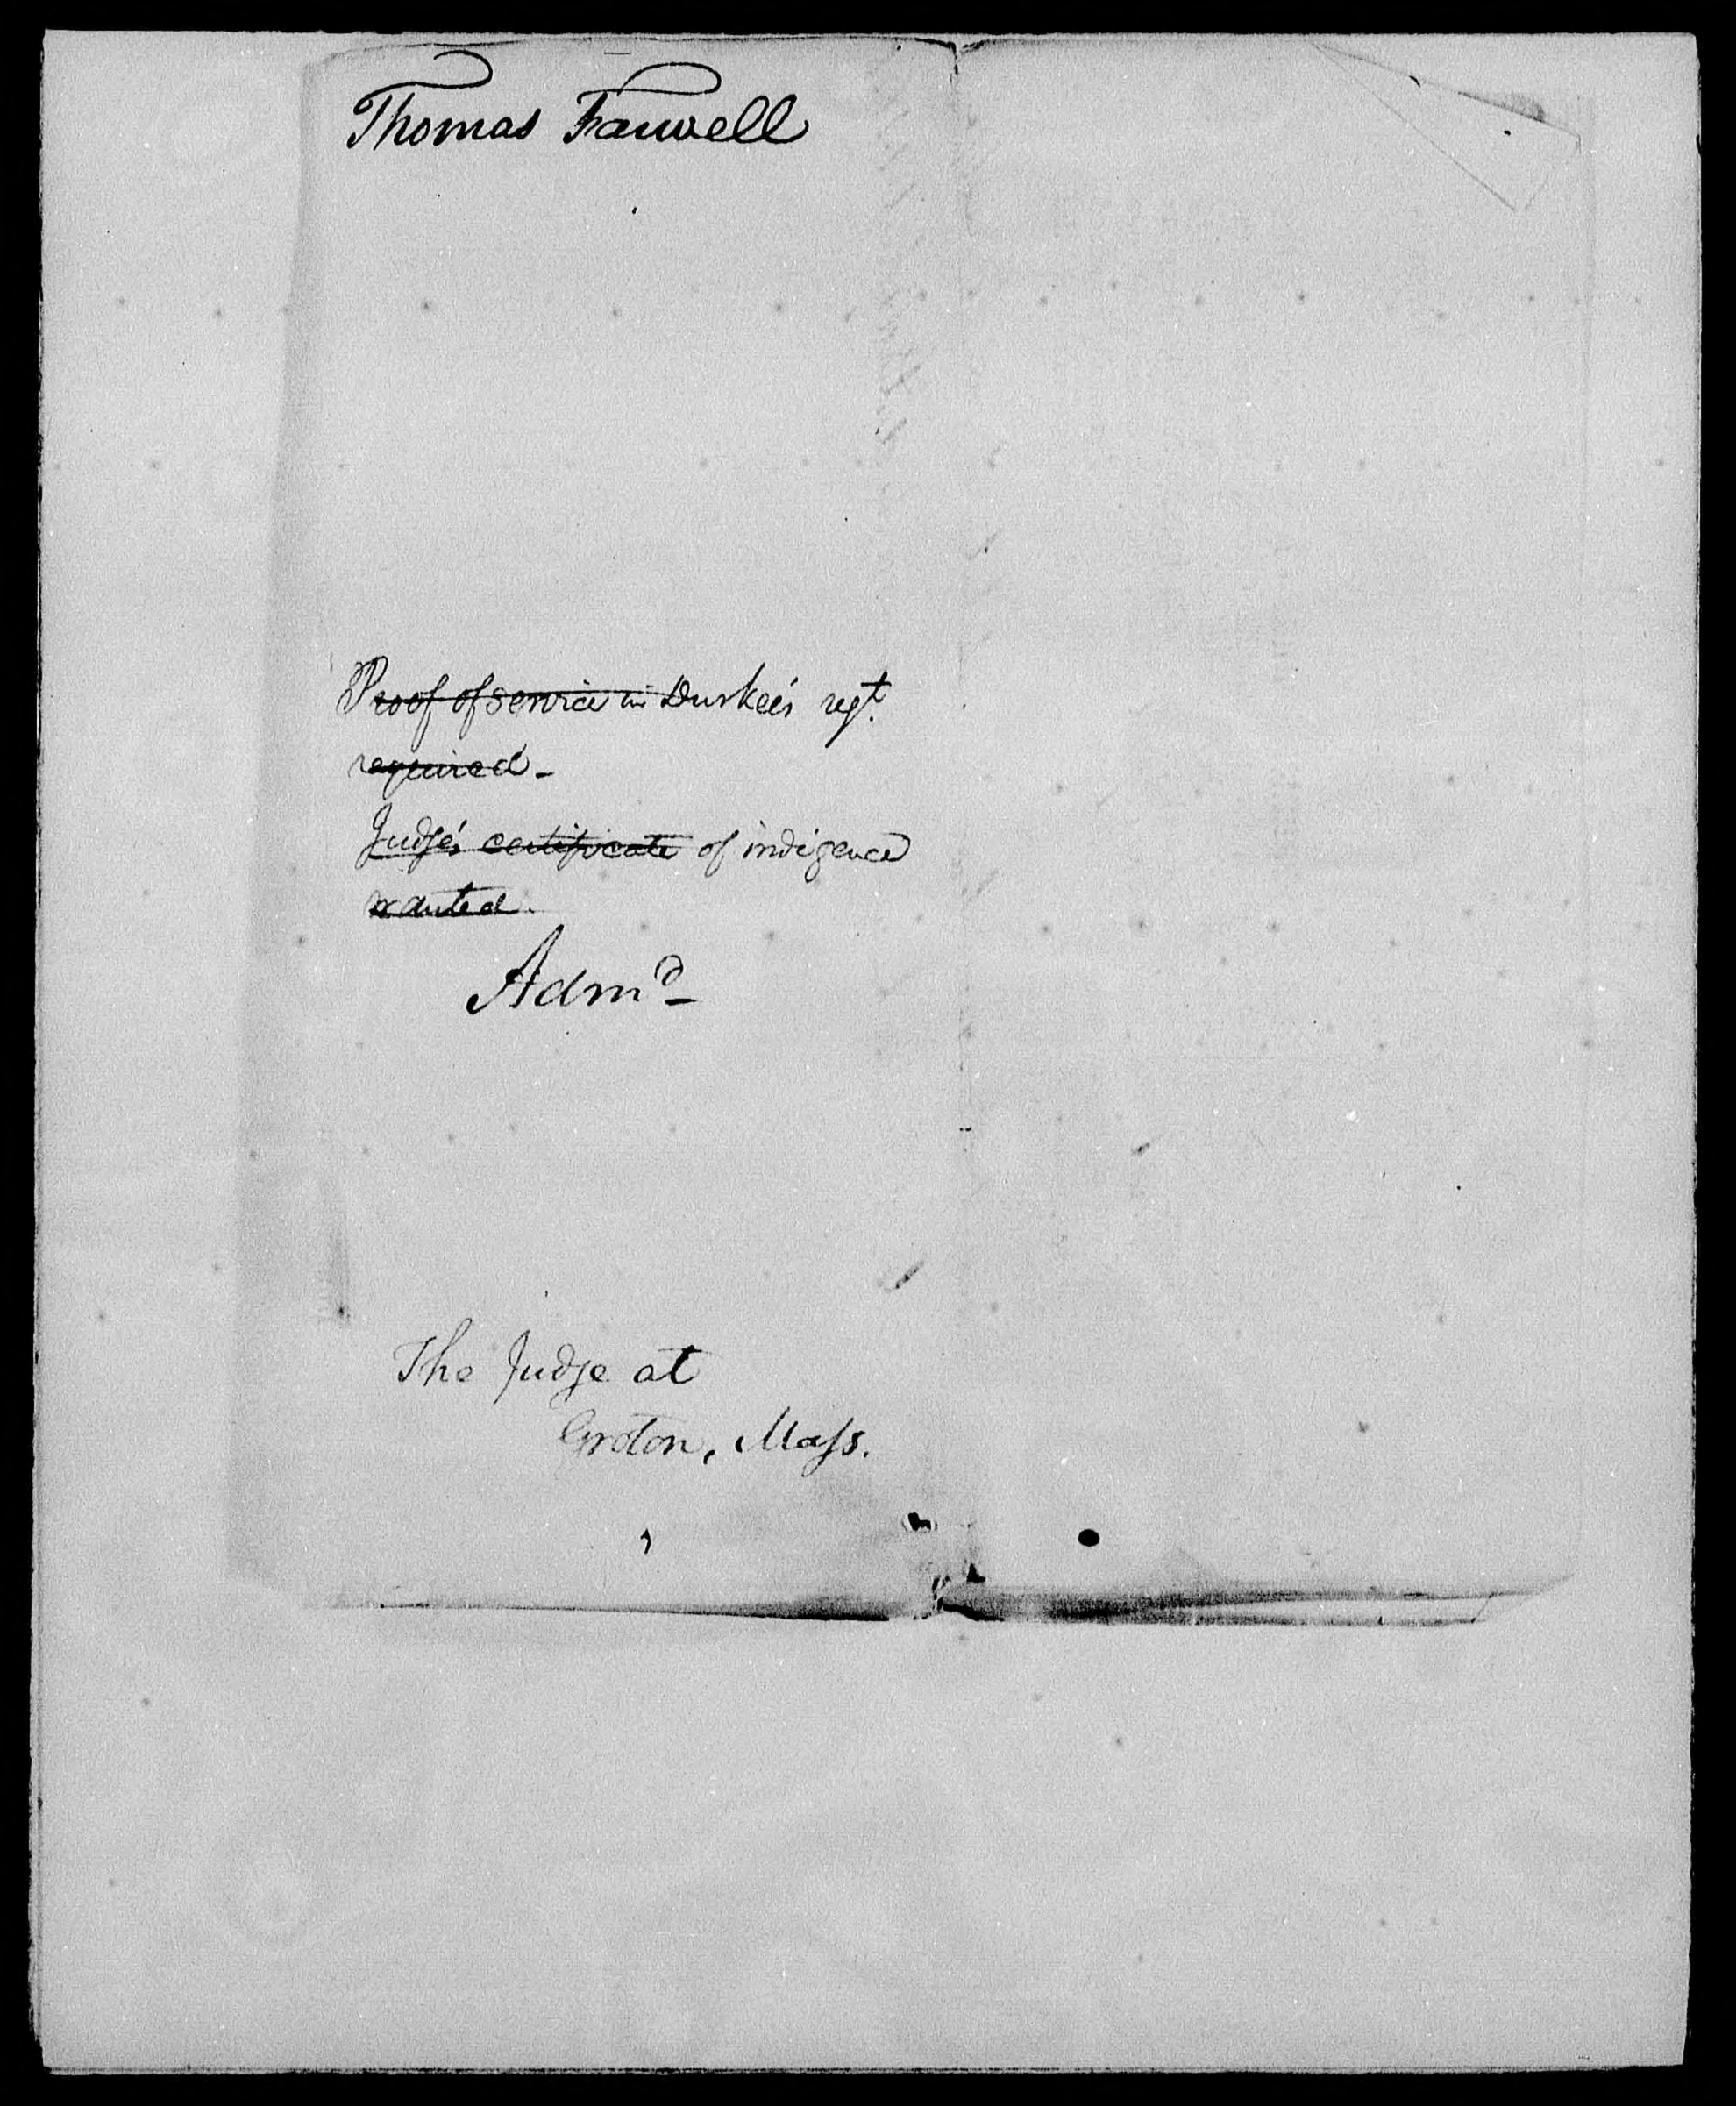Thomas Farwell

Proof of servic in Durkein upt.
[illegible]
Judge's certificate of indigence
wanted
Aam

The judge at
Groton, Majs.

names: Thomas Farwell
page: 5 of 18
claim: survivor's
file: S. 34,831, Thomas Farwell, Conn.